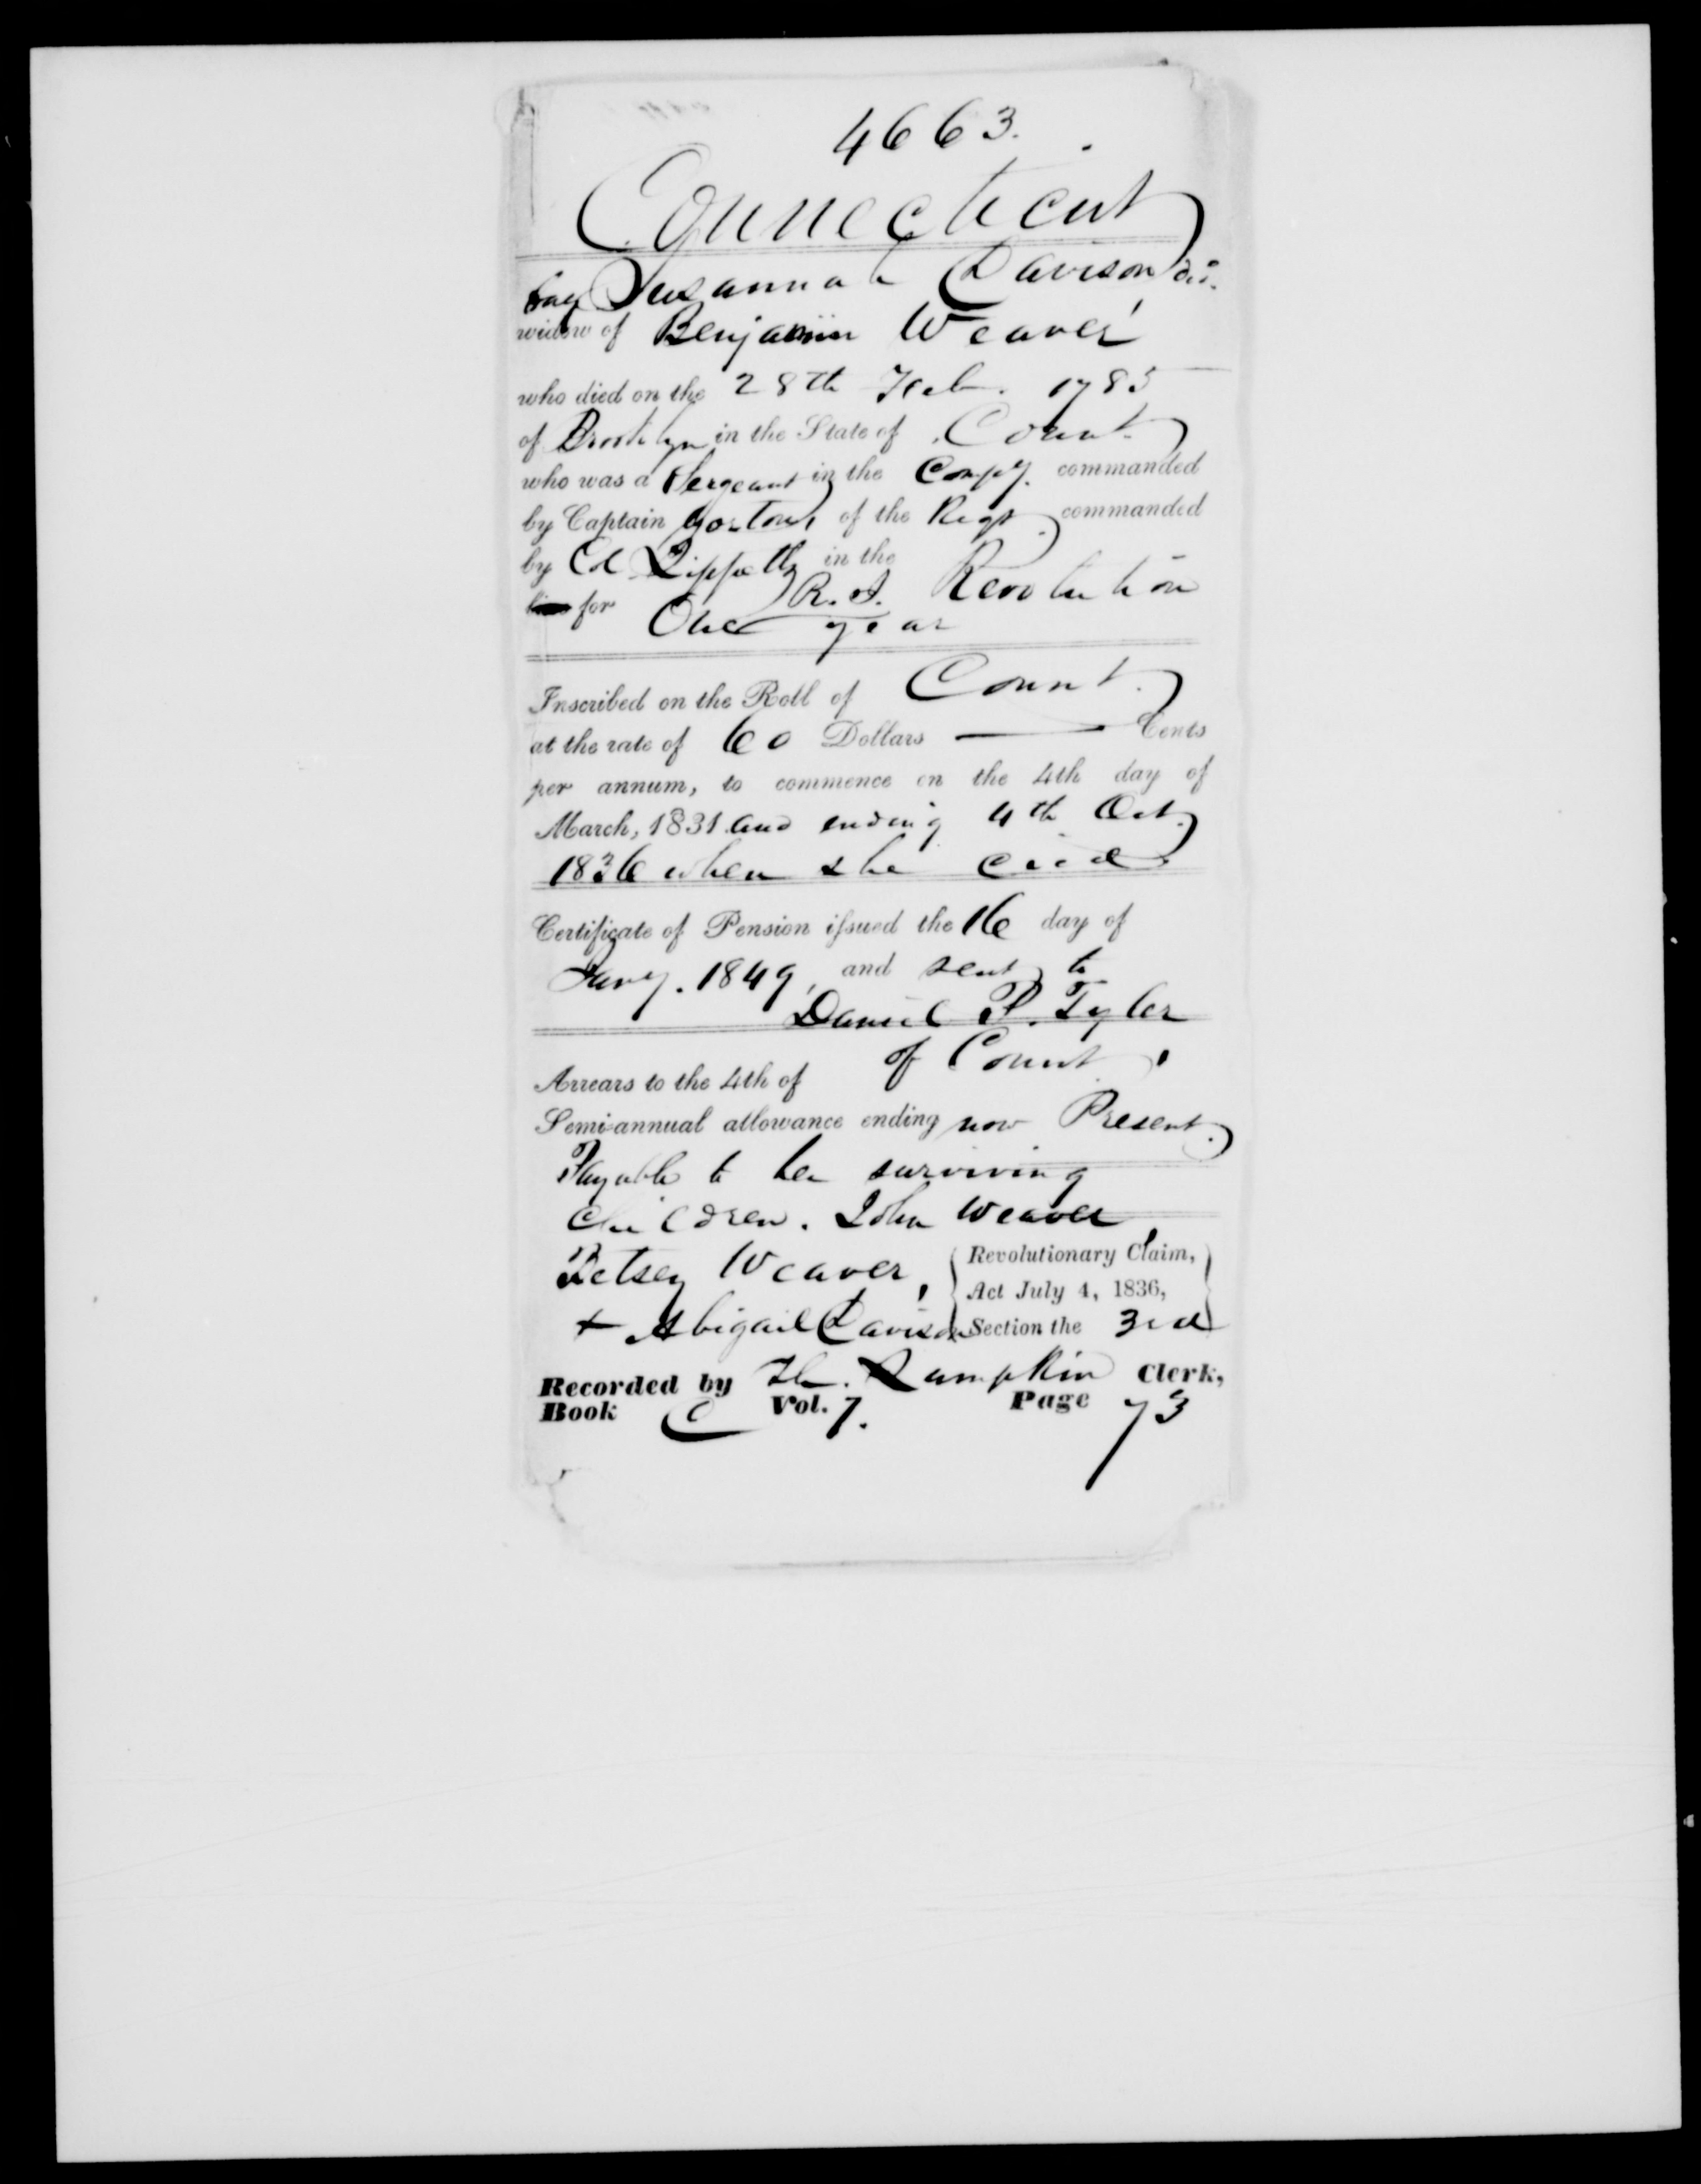4663

Connecticut
__ Susannah Davison vis.
Widow of Benjamin Weaver who died on the 28th Feb. 1785 of Brooklyn in the State of Connt. Who was a Sergeant in the Compy. Commanded by Captain Gorton of the Reg’t commanded by Col. ____  in the R. I.       Revolution One year

Inscribed on the Roll of Connt. At the rate of 60 Dollars ————Cents per annum, to commence on the 4th day of March, 1831 and ending 4th Oct 1836 when she died.
Certificate of Pension issued the 16 day of Jany. 1849, and sent to Daniel P. Tyler of Connt.
Arrears to the 4th of 
Semi-annual allowance ending now present payable to her surviving children. John Weaver
Betsey Weaver, & Abigail Davison
{ Revolutionary Claim}
{Act July 4, 1836,}
{Section the 3rd}

Recorded by Tho. Pumpkin Clerk, 
Book C Vol.7. Page 73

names: Lippett, Thos Lumpkin, Susannah Davison, Daniel P Tyler, Gorton, Benjamin Weaver, John Weaver, Betsey Weaver, Abigail Davison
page: 2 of 53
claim: widow's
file: W 17707, Benjamin Weaver, R.I.